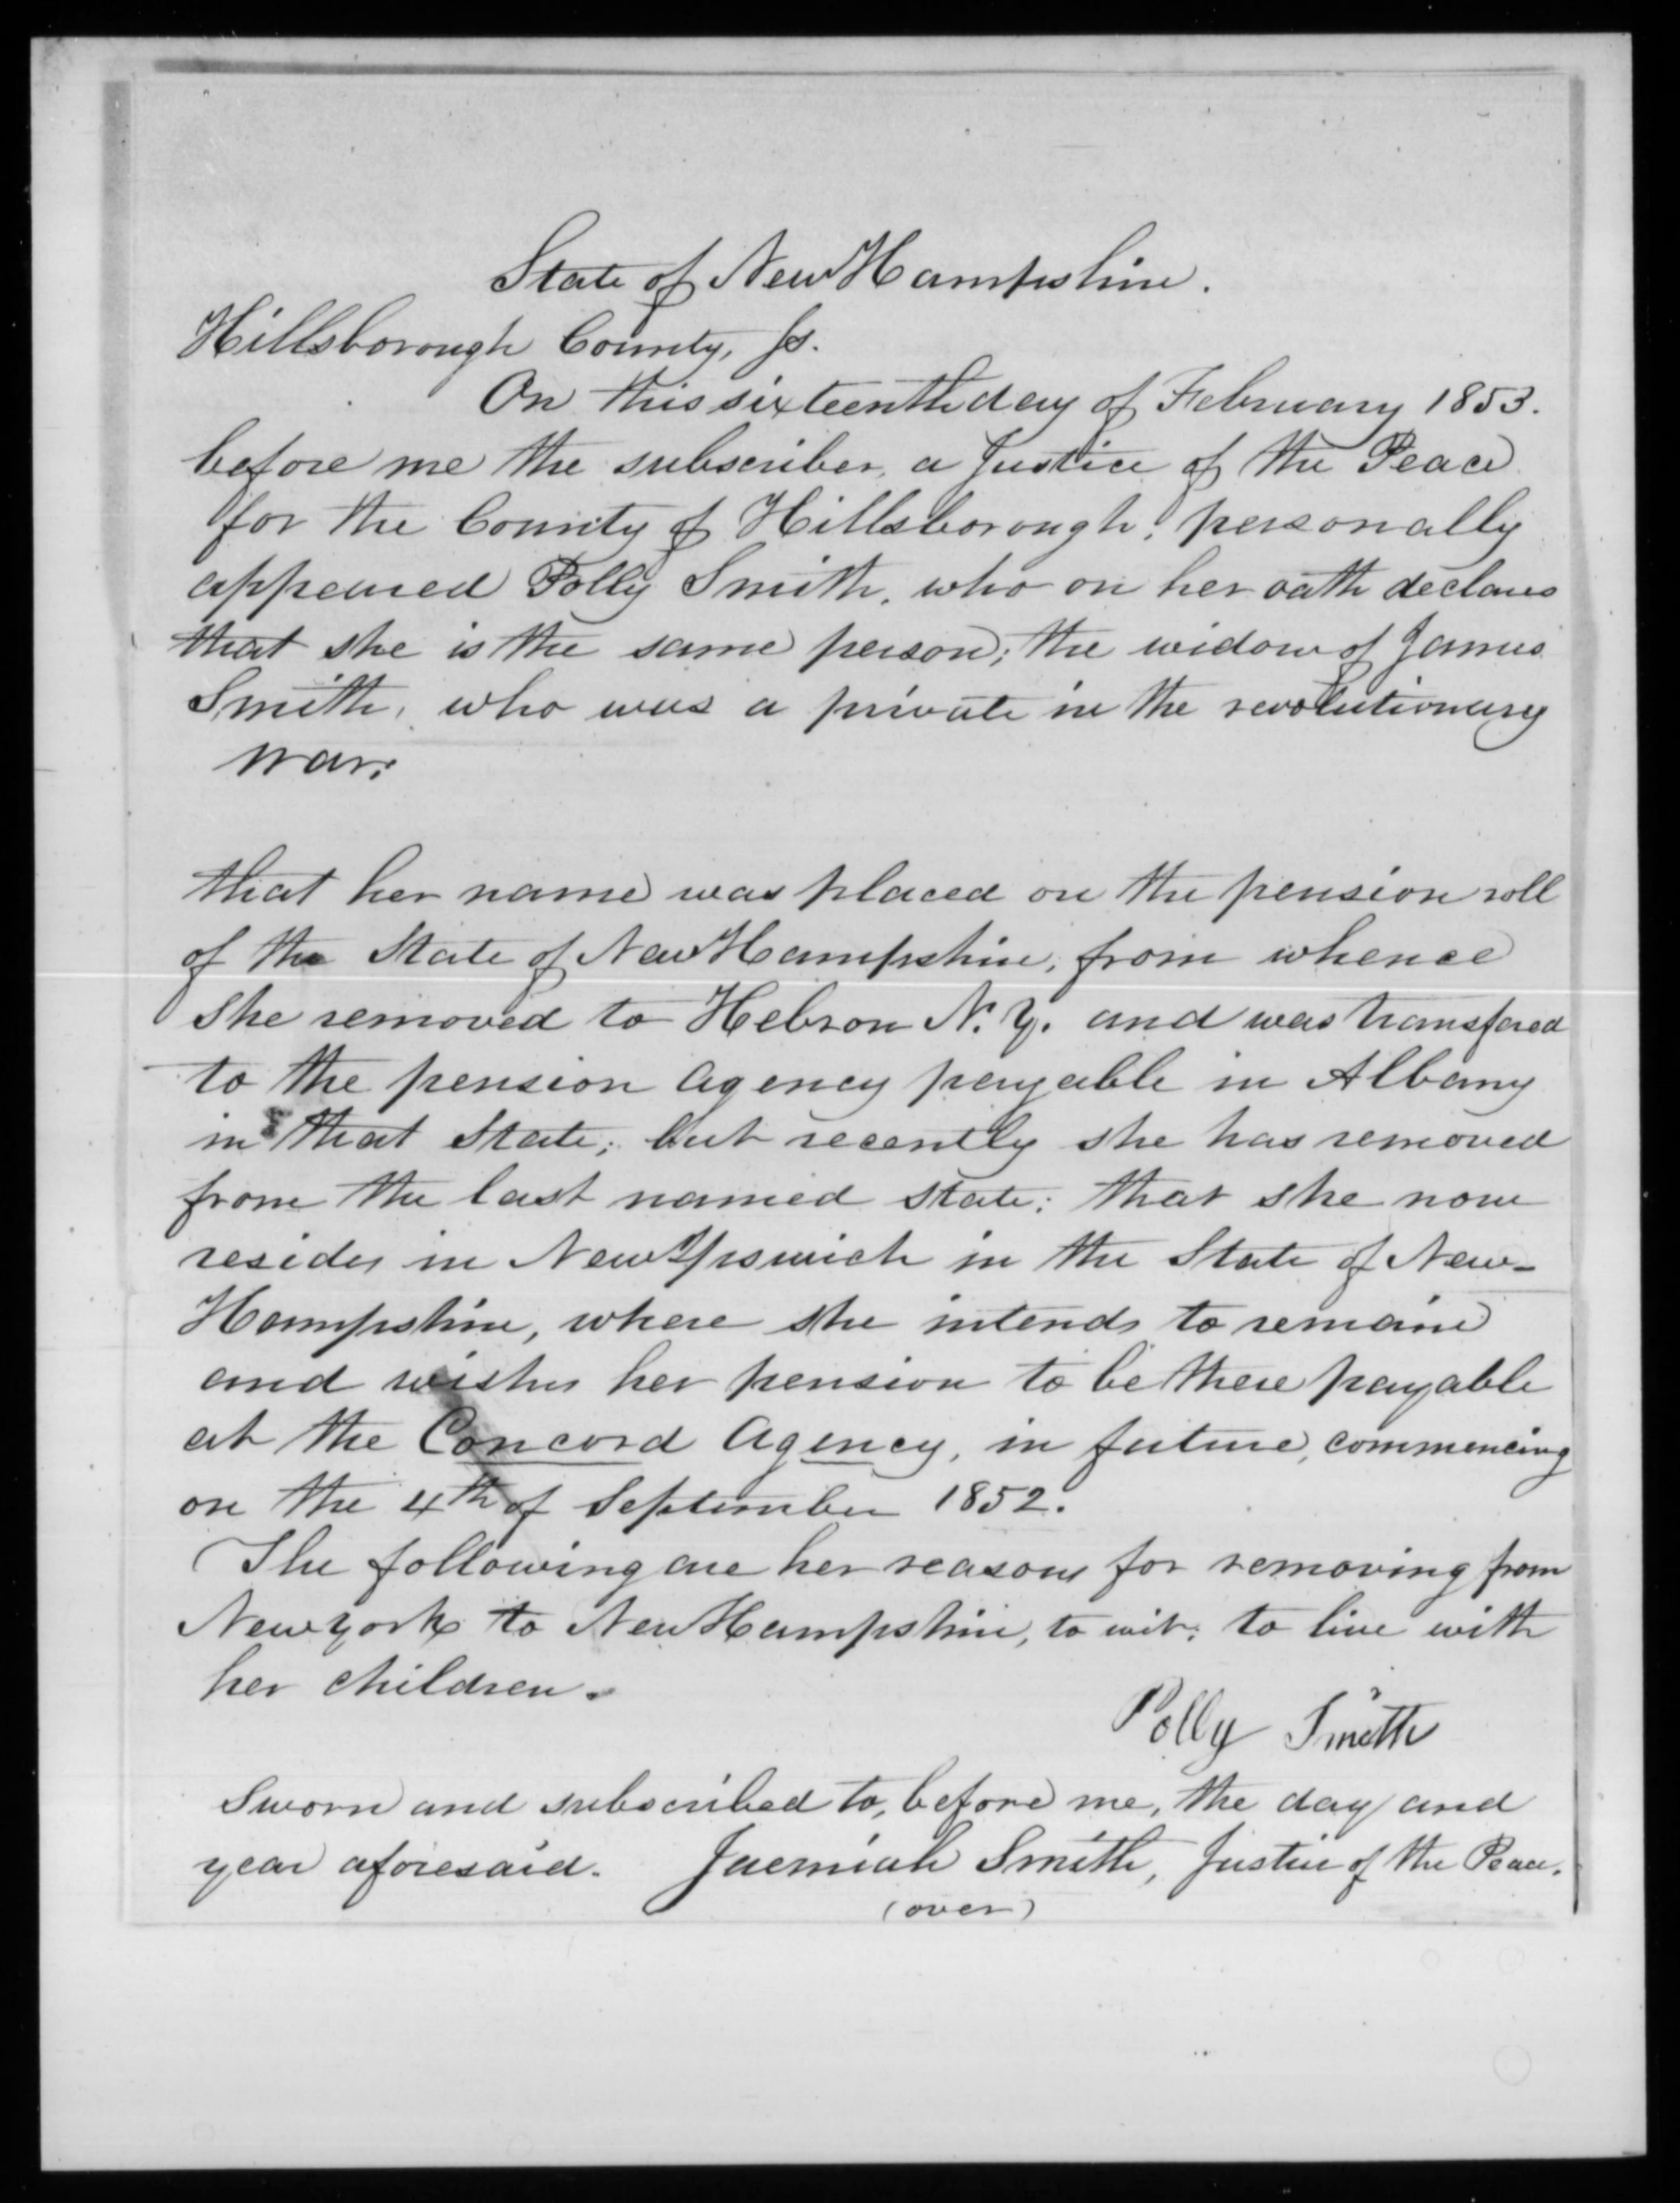State of New Hampshire 
Hillsborough County, SS
On the sixteenth day of February 1853, before me, the subscriber, a Justice of the Peace for the County of Hillsborough. Personally appeared Polly Smith, who on her oath declares that she is the same person, the widow of James Smith, who was a Private in the Revolutionary War.
That her name was placed on the pension roll of the State of New Hampshire from where she removed to Hebron N.J.and was ----- to the pension agency payable in Albany in that state, but recently she has removed from the last ---- state that now resides in New ---smich in the state of New Hampshire, where she intends to remain and wishes her pension to be there payable – the Concord Agency in further commencing on the 4th day of September 1852.
She following  are the reasons for removing from New York to New Hampshire, to – to line with her children.
Polly Smith
Sworn and subscribed to before me, the day and year aforesaid. Jerimiah Smith, Justice of the Peace.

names: James Smith; Polly Smith; Jeremiah Smith; Polly Smith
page: 7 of 55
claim: widow's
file: W 19058, for James Smith, Massachusetts